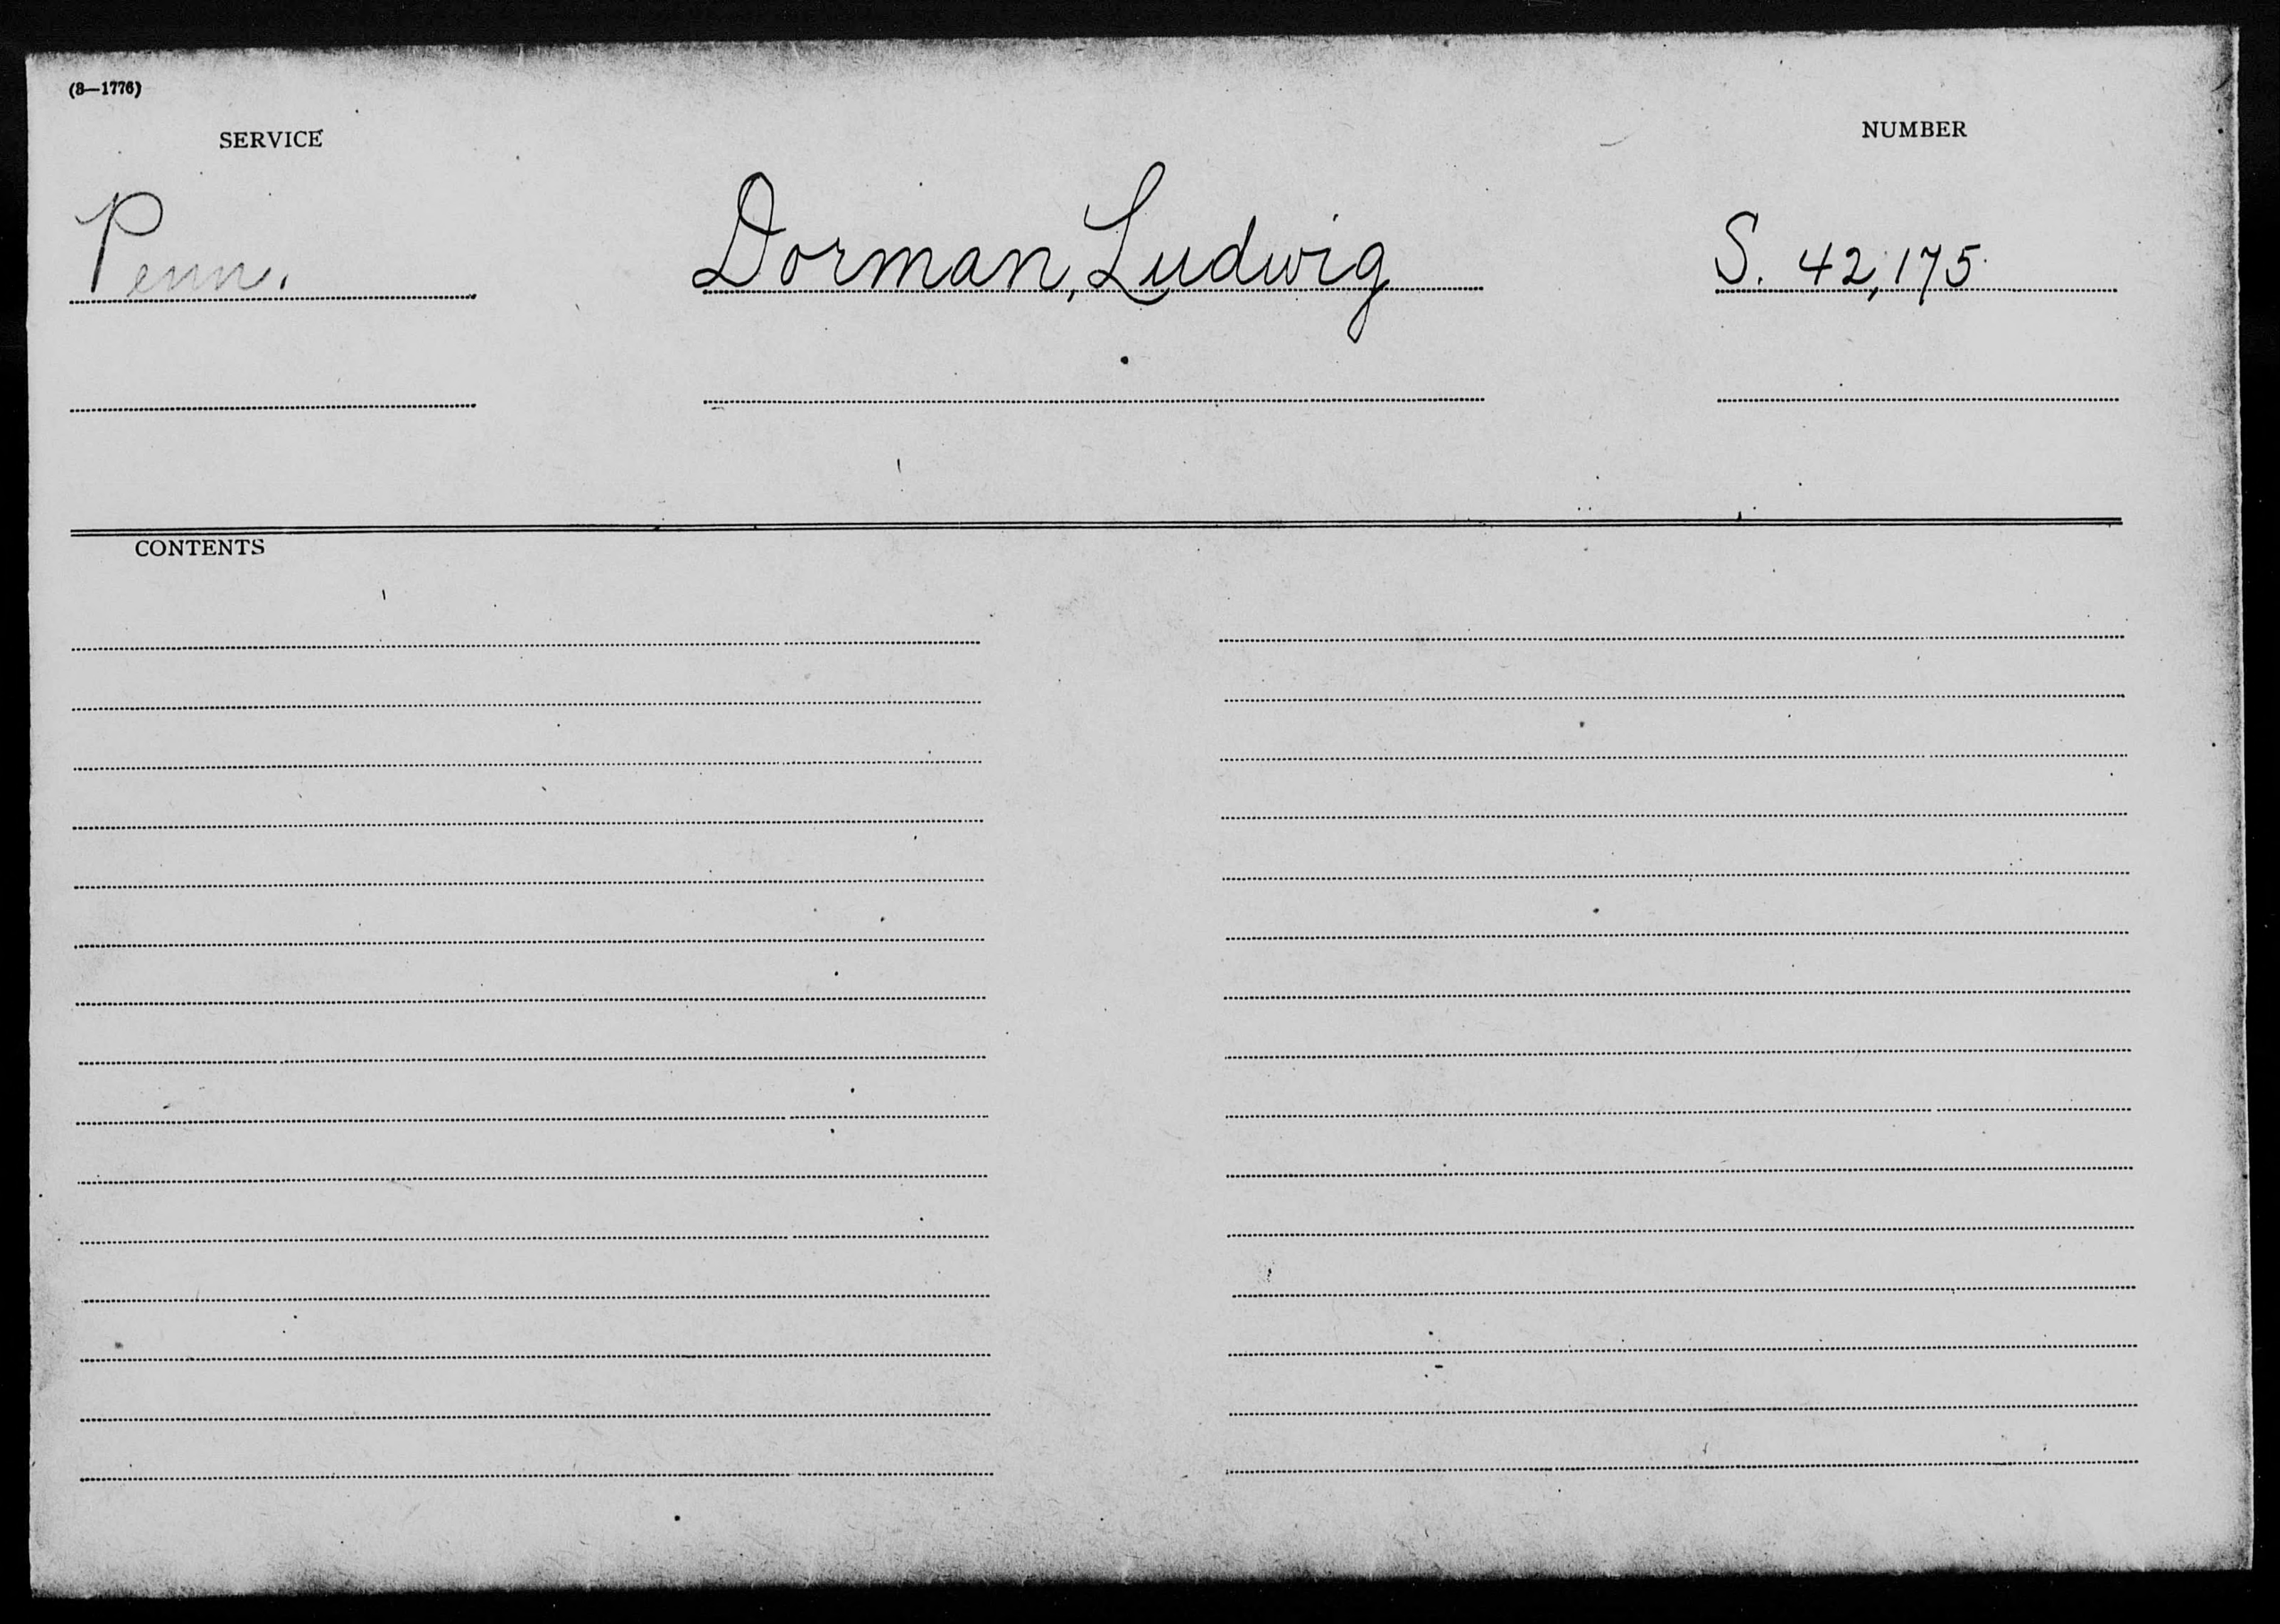8-1776
Service
Penn.
Dorman, Ludwig
Number
S. 42,175
Contents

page: 1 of 16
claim: survivor's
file: S. 42,175, Ludwig Dorman, Penn.